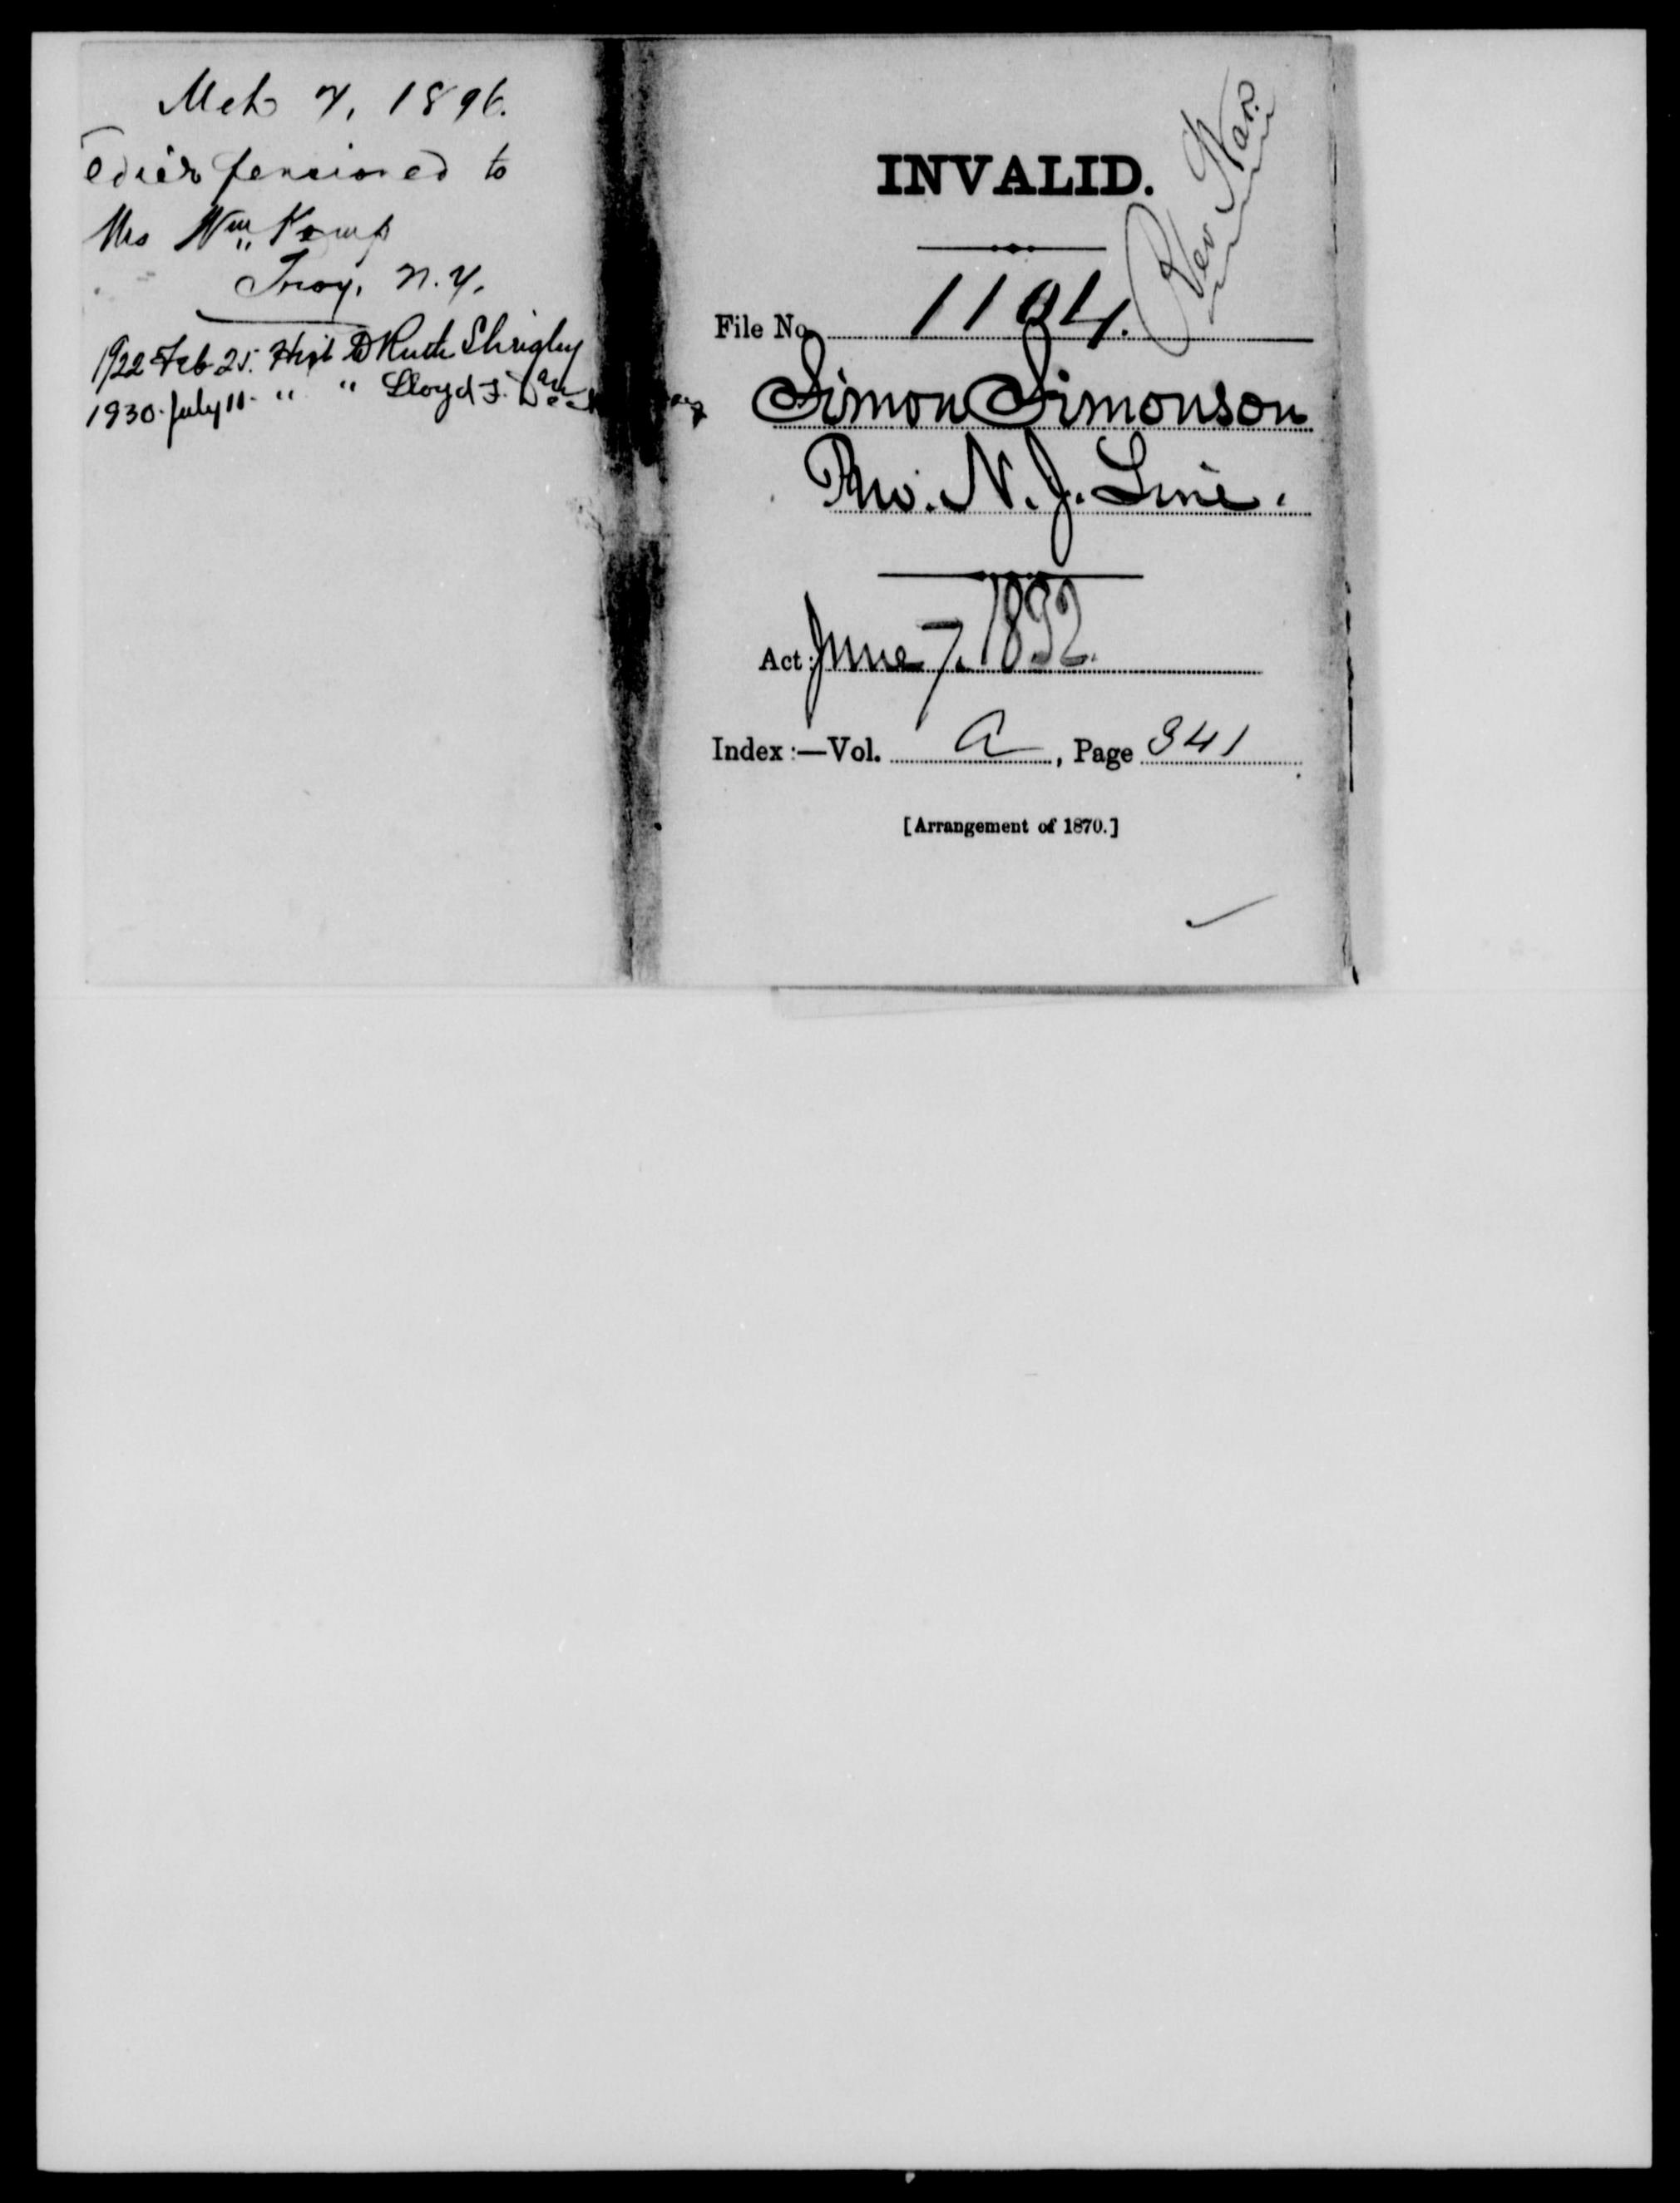[left side:]
Mch 7, 1896.
[So]ldier pensioned to
Mrs Wm. Kemp
Troy, N.Y.
--------------------
1922 Feb 25. Hist to Ruth Shrigley
1930 July 10       "   " Lloyd F. Decker

[right side:]

INVALID.         Rev. War
------------
File No. ___ 1104.
___ Simon Simonson ______
___ Priv.  N.J. Line. _______
----------------------
Act: __ June 7, 1832. ______
Index: -- Vol. __A__, Page __ 341 ___

[Arrangement of 1870.]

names: Ruth Shrigley; Simon Simonson; Wm Kemp; Lloyd F Decker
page: 14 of 30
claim: survivor's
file: S. 1104, for Simon Simonson, New Jersey